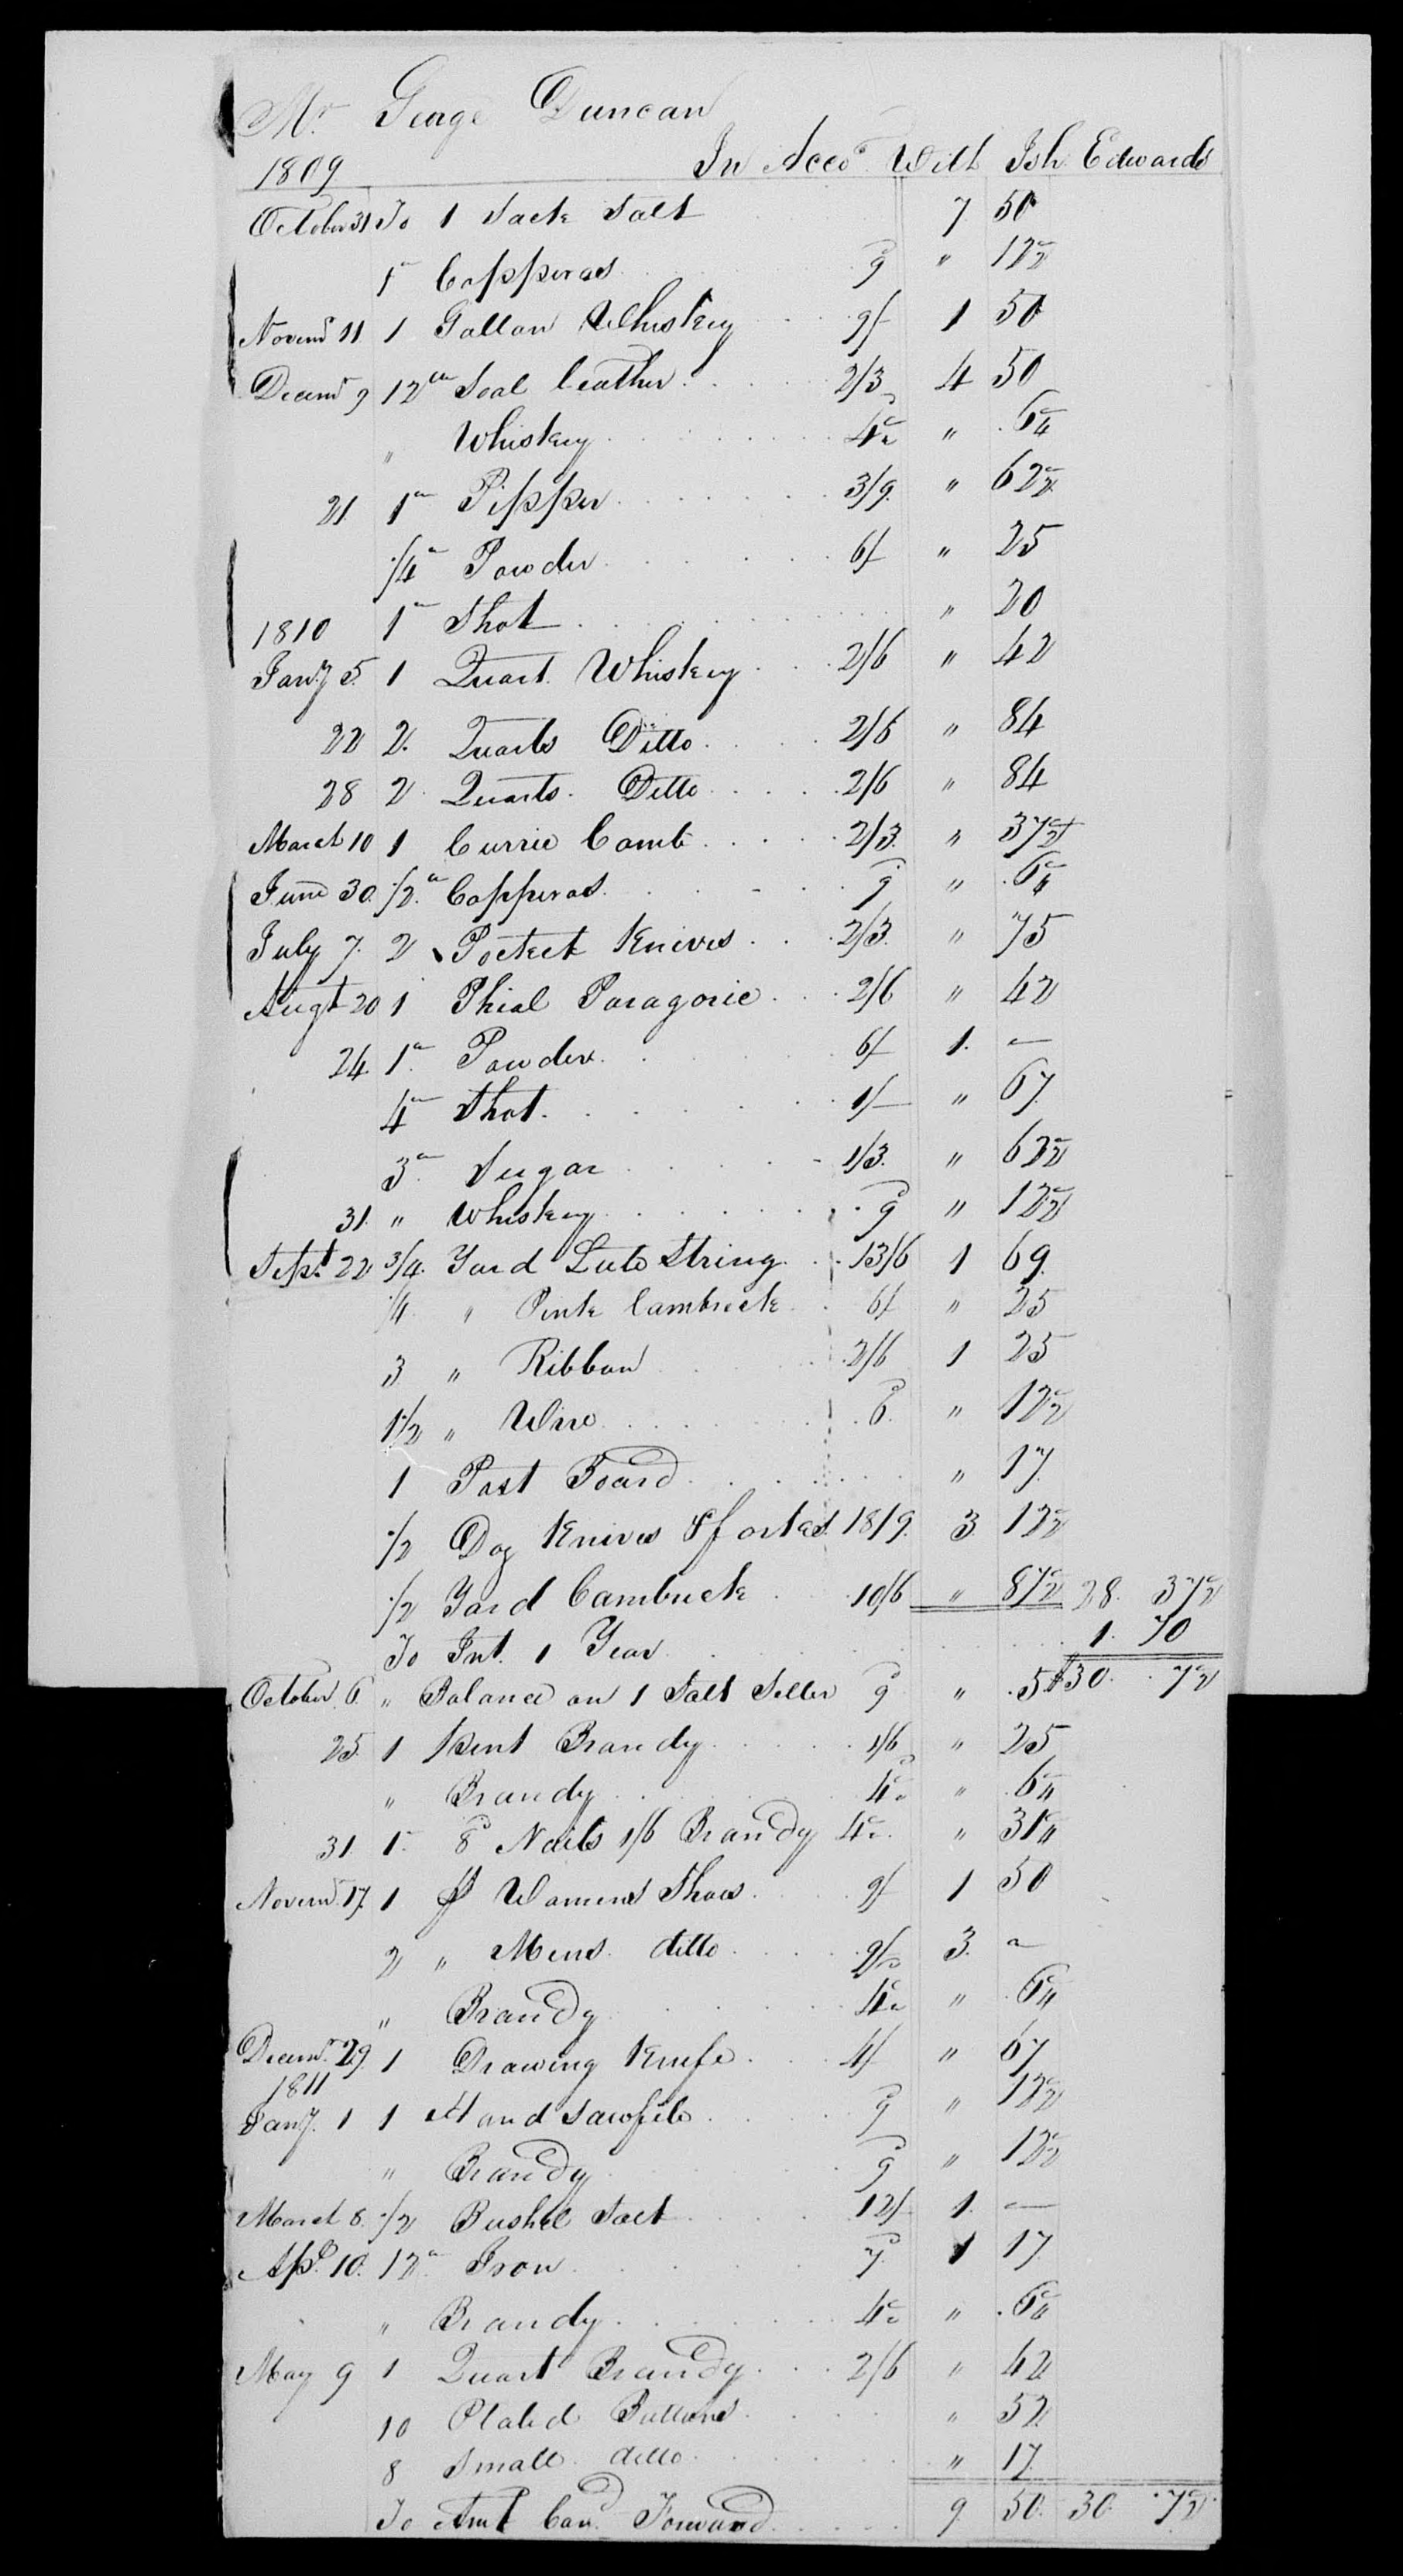Mr George Duncan
1809     In Acct with Joh, Edwards
October 31  To 1 Sack Salt  7 50
                     1 Cupboard g " 175
Novem 11   Gallon Whiskey gf 1 50
Decem   9     Soal Leather 2/3  4 50
                       Whiskey  4c   " .64
              21     1 Pippin   3/9   " 625
                       ./4 Powder  6/  "  25
1810                1 Shot      "20
Jany 5              1 Quart Whiskey  2/6  "  42
        22             2 Quarts Ditto    2/6   "  84
        28             2 Quarts Ditto    2/6   "  84
March 10          1 Currie Comb   2/3    "  37 ct
June 30            1/2 a Copperad   9      " .04
July 7                2 Pocket Knives  2/3    "  75
Augt 20            1 Phial Paragoric 2/6   "  42
         24            1 Powder              6/    1
                         4 Shot                  1/    " 07
                         3 Sugar                1/3  "  635 
         31            " Whiskey             .9    "  125
Sept 22         3/4 Yard Lute String 13/6  1 69
                      /4    " Pink Cambrick  6/  "  25
                       3    "  Ribbon             2/6  1 25
                     1/2   "   Wire               .6  "  1 25
                      1 Post Board                   "    17
               1/2 Doz Knives & forks at 18/9  3 175
                    1/2 Yard Cambrick  10/6  " 8 1/2
                                                  ----------------
                                                    28.37 1/2
                    To Int. 1 Year              1.70
                                                   ----------------
                                                    30.  7 1/2
October 6    " Balance on 1 Salt Seller 9  "  .5
             25     1 Pint Brandy            1/6    "  25
                       "    Brandy                  4     "  .6
             31     1    Nails 1/6 Brandy   4     "  31
Novem 17     1  [illegible]                9/    1 50
                      2  "  Mend.  ditto       9/    3
                      "    Brandy                  4     "   64
Decem 29     1 Drawing Knife          4/    "   67
  1811
Jany 1            1 Hand Sawfile           9   "  12 1/2
                       "    Brandy                 9   "  12 1/2
March 6         1/2 Bushel Salt        12/  1
Apr 10             17 [illegible] Iron     7    1  17
                         "     Brandy             4       "     64 
May 9                1 Quart Brandy     2/6    "     42
                        10 Plated Buttons            "     52
                          8 Small ditto                  "     17
  To Amt. Car. Forward            9    50  30  7 1/2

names: George Duncan, Ish Edwards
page: 27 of 49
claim: survivor's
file: S. 41513, George Duncan, N.C.